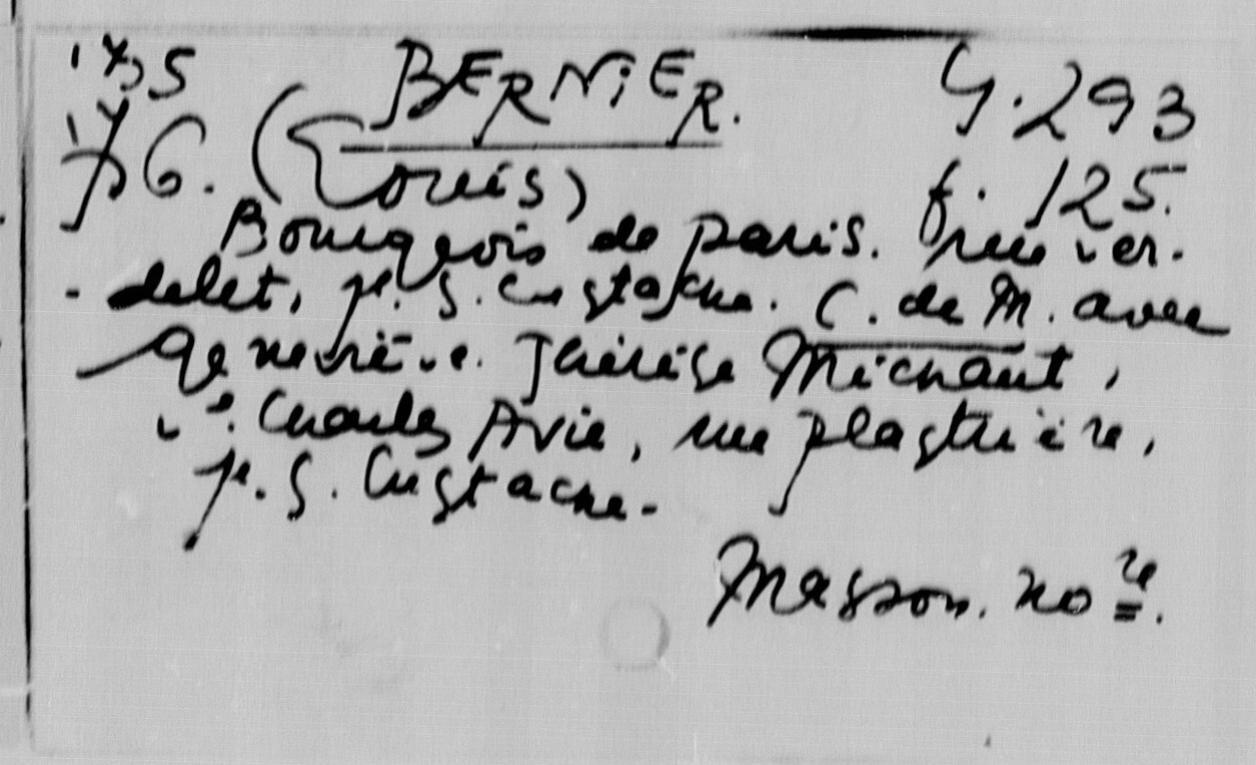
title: BERNIER (Louis)
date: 1705-1706
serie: Y
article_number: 293
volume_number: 125
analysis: Bourgeois de Paris, rue Verdelet, paroisse Saint-Eustache. Contrat de mariage avec Geneviève-Thérèse Michaut, veuve Charles Avie, rue Plastrière, paroisse Saint-Eustache. Masson, notaire.
